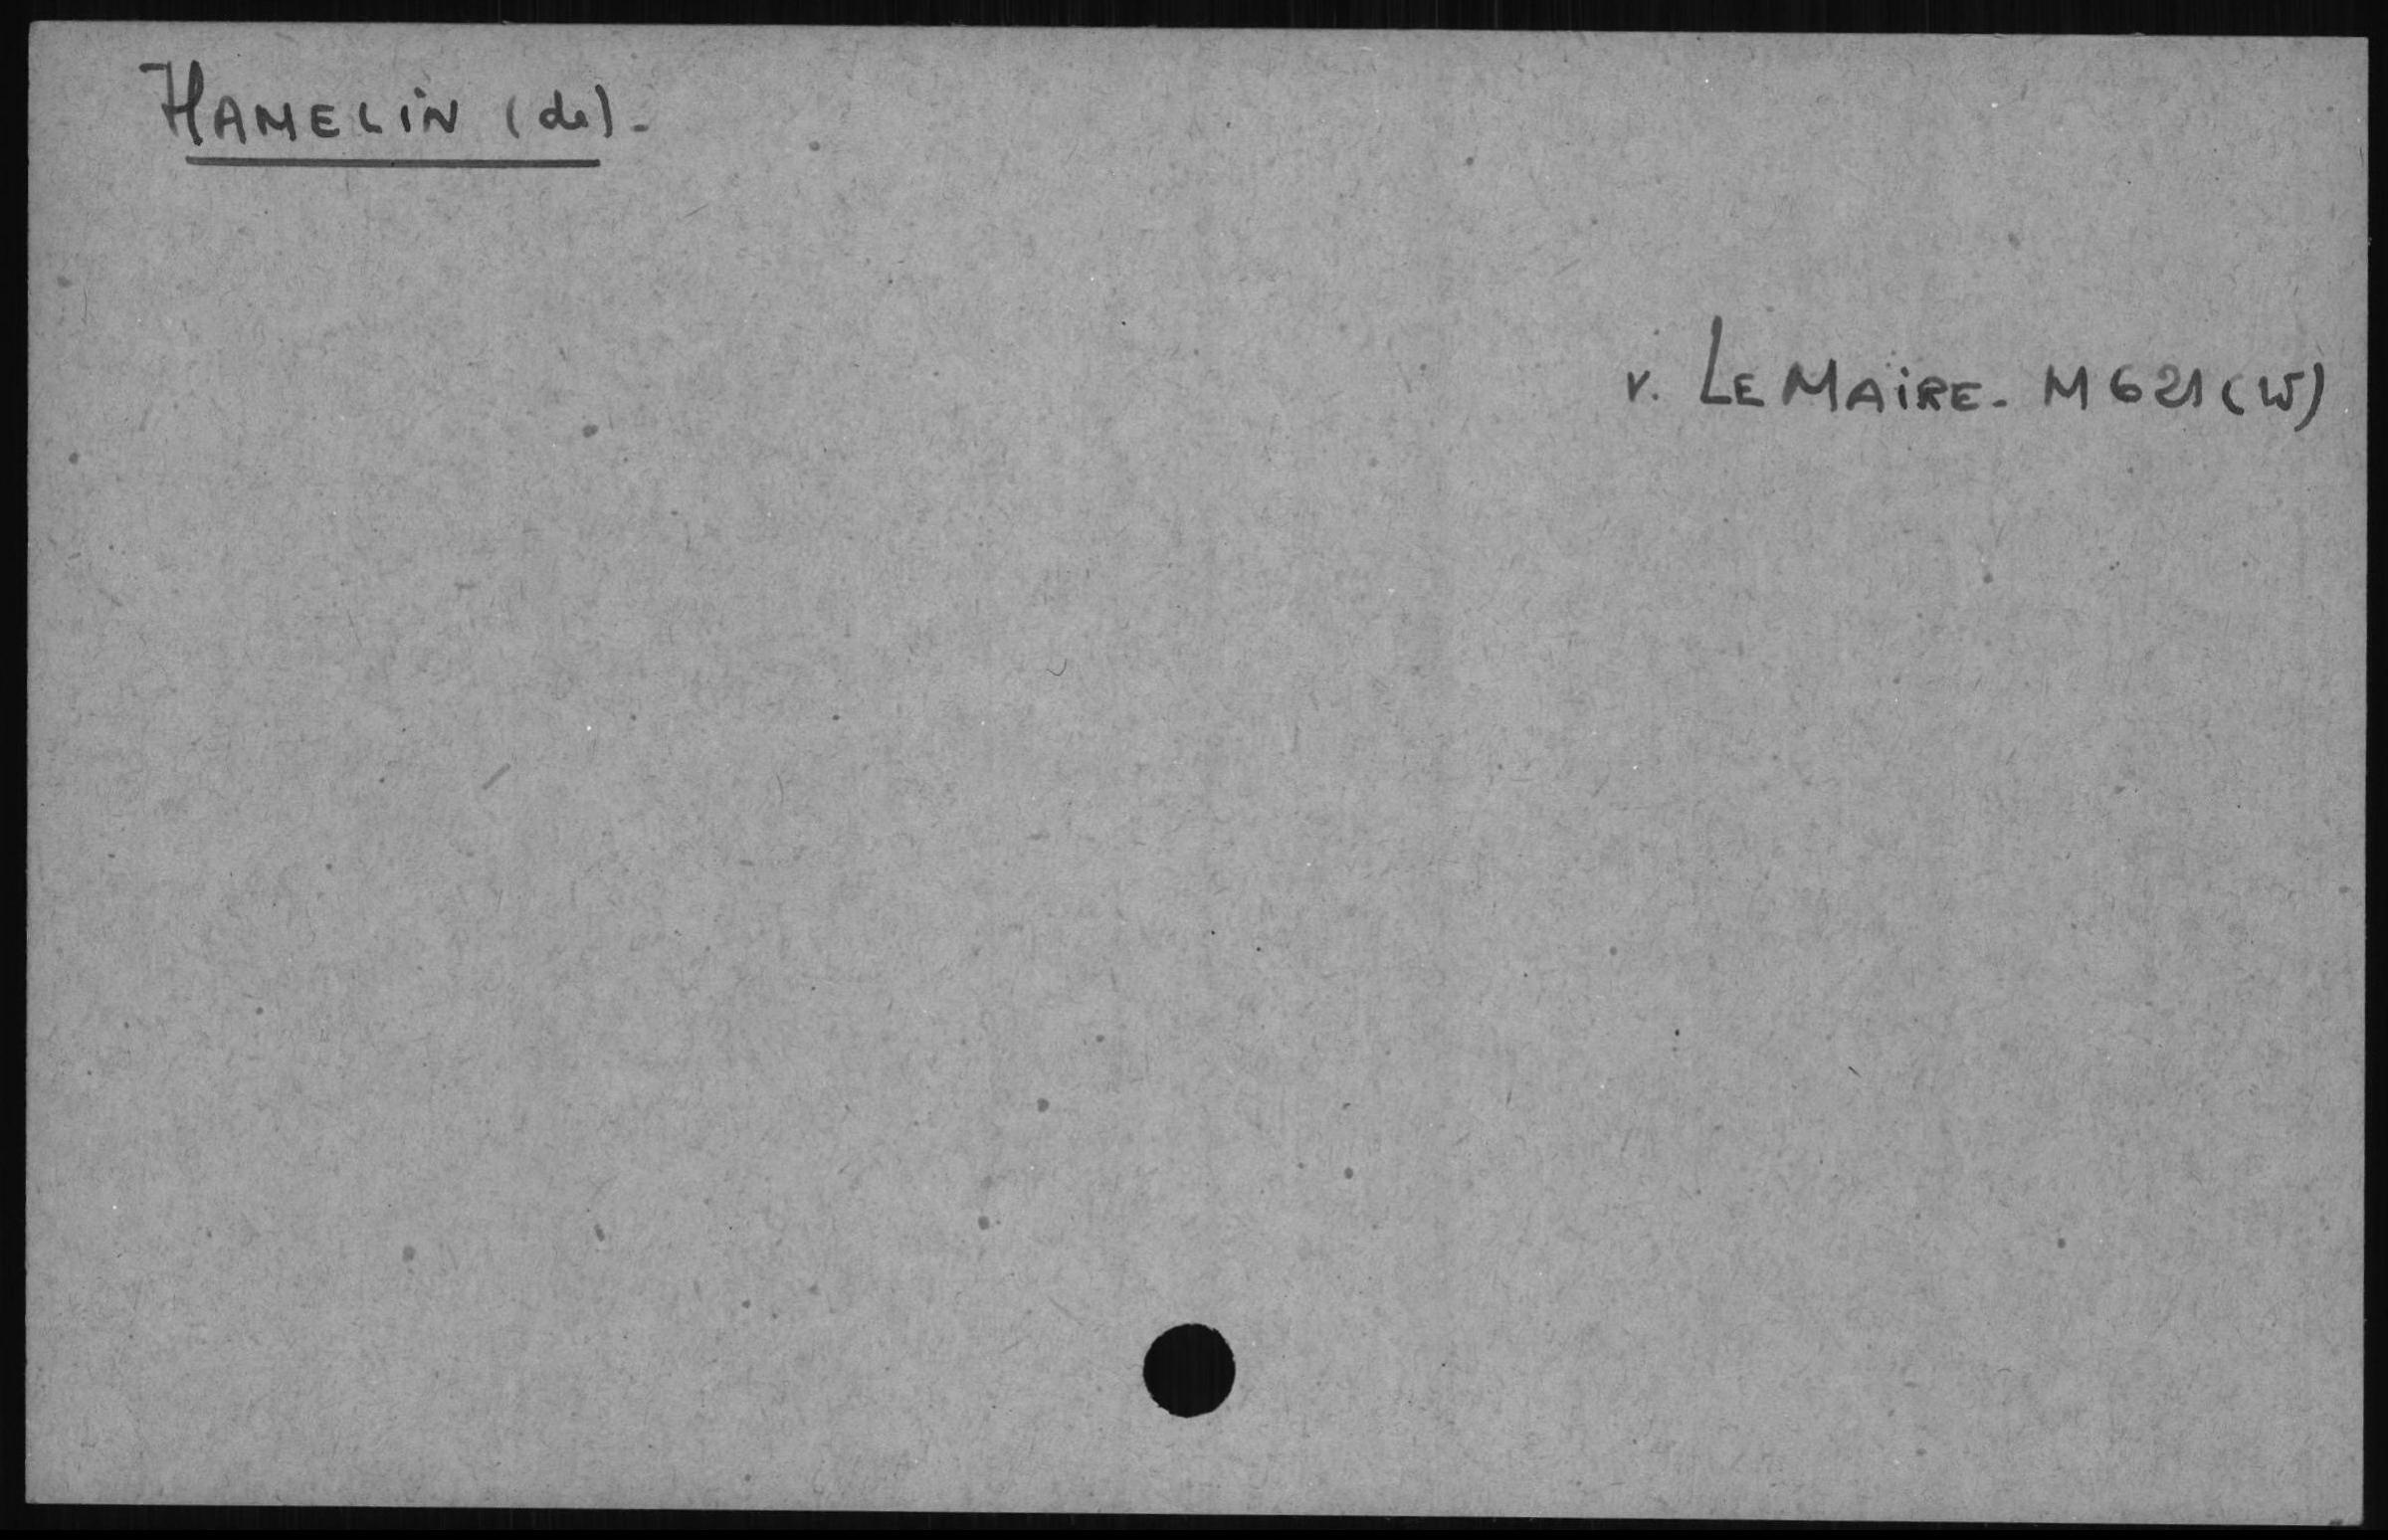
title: HAMELIN (de).
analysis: voir : LE MAIRE
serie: M
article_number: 621
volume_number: (15)
